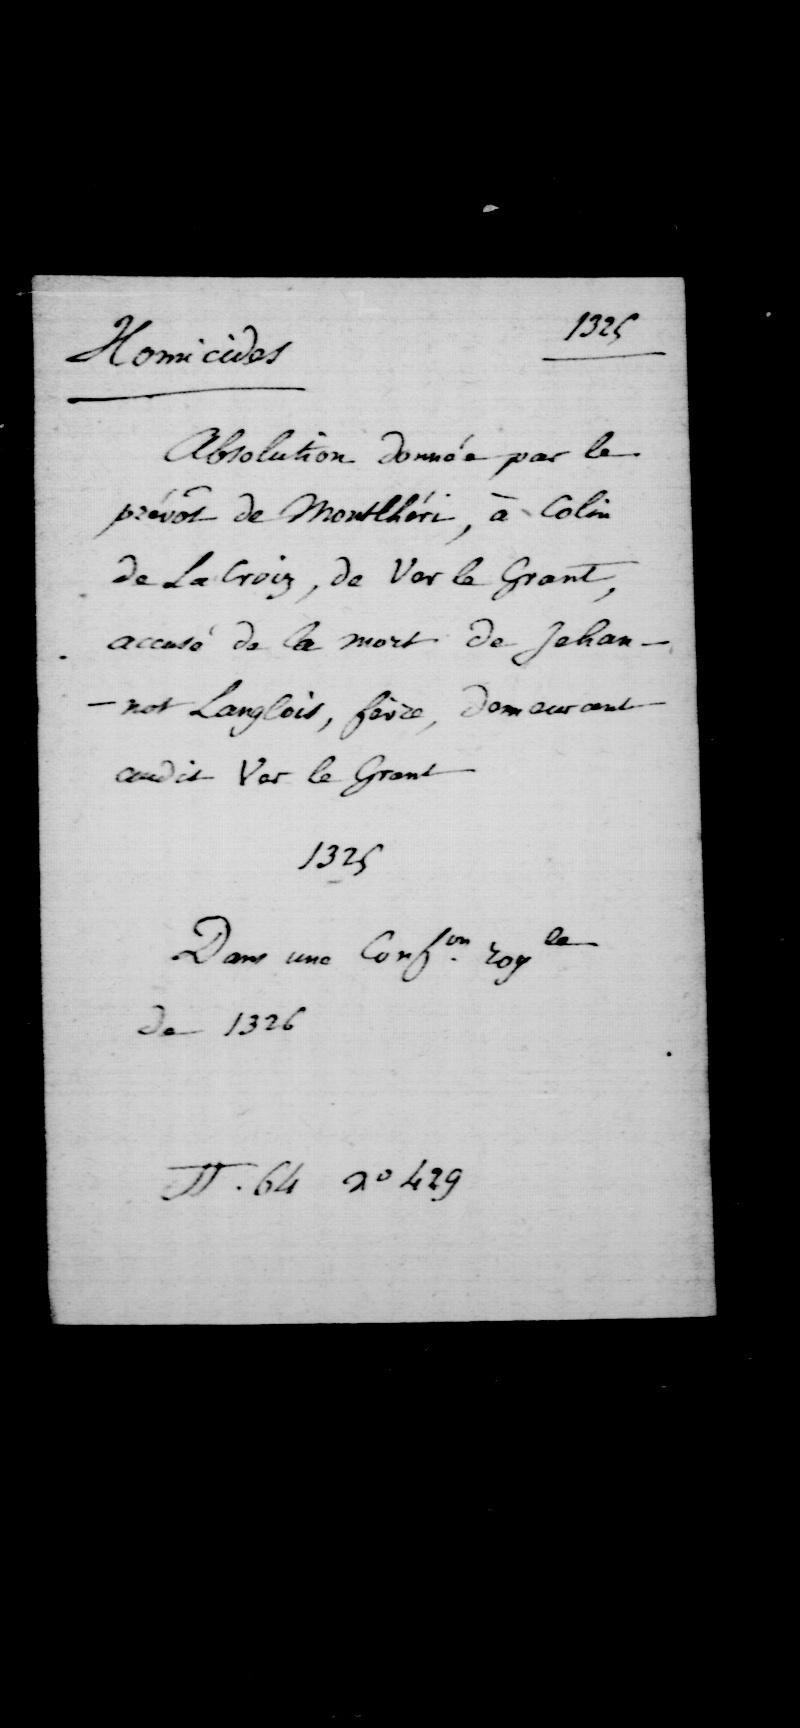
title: Homicides
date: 1325
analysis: Absolution donnée par le prévôt de Montlhéri, à Colin de La Croiz, de Ver le Grant, accusé de la mort de Jehannot Langlois, fèvre, demeurant audit Vert le Grant 1325 Dans une confirmation royale de 1326
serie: JJ
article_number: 64
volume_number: n° 429
